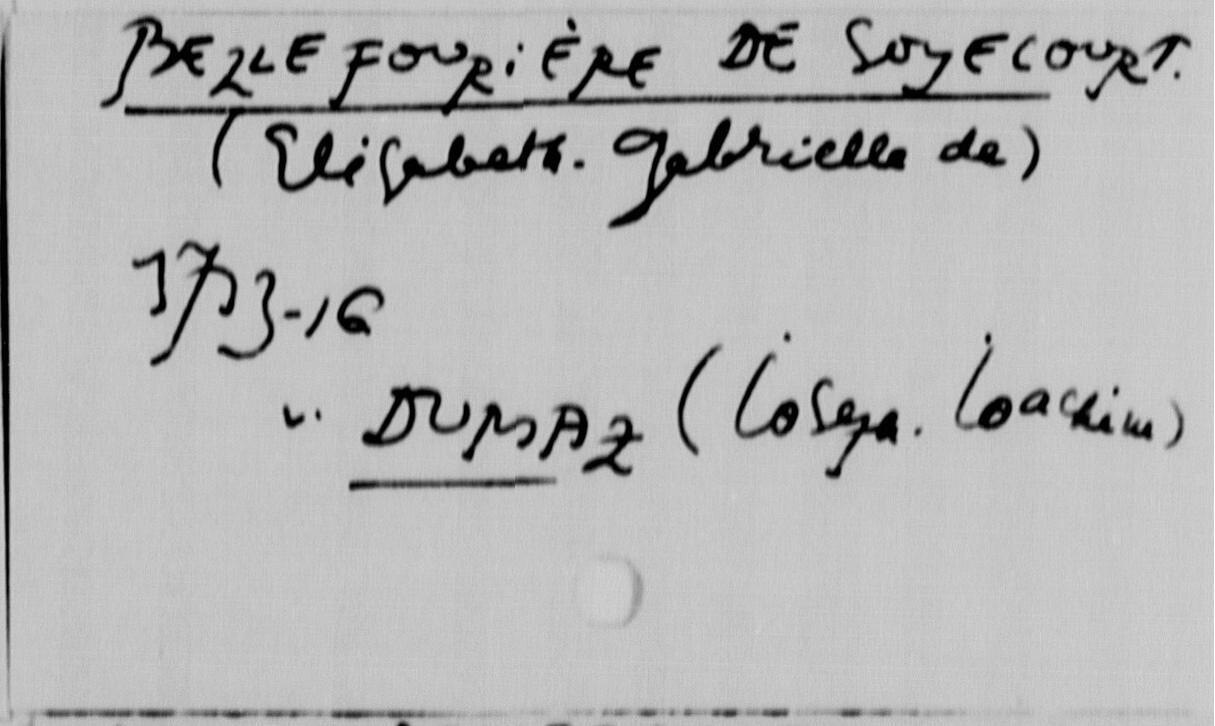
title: BELLEFOURIÈRE DE SOYECOURT (Élisabeth-Gabrielle de)
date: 1713-1716
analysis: Voir DUMAZ (Joseph-Joachim)
